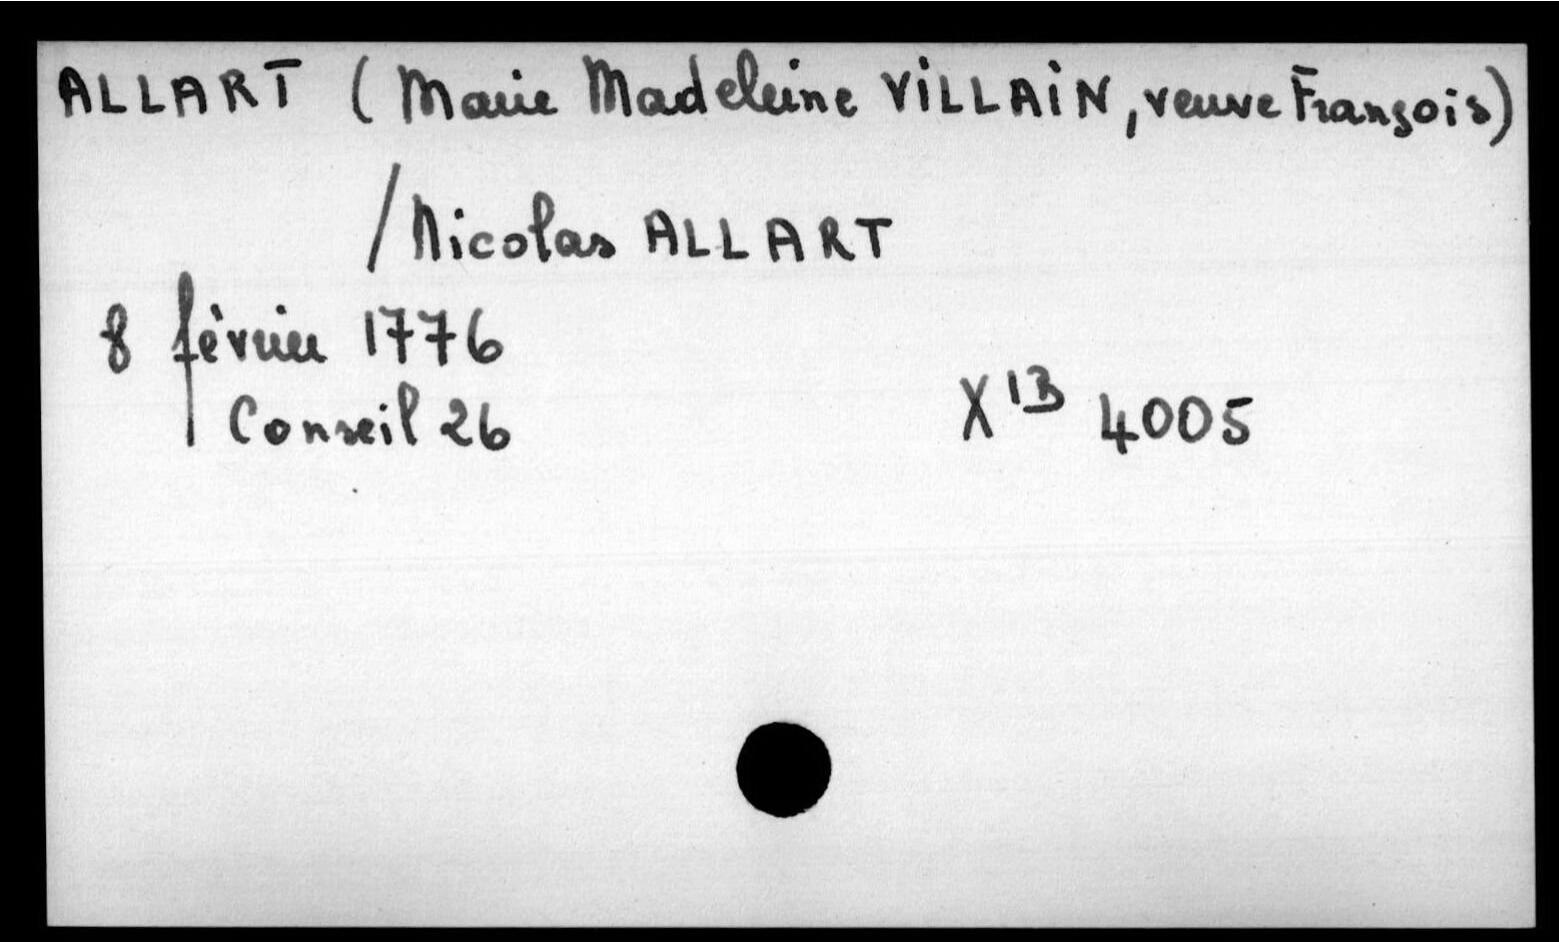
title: ALLART (Marie Madeleine VILLAIN, veuve François)
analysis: Contre Nicolas ALLART
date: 8 février 1776
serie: X1B
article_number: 4005
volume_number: Conseil 26
